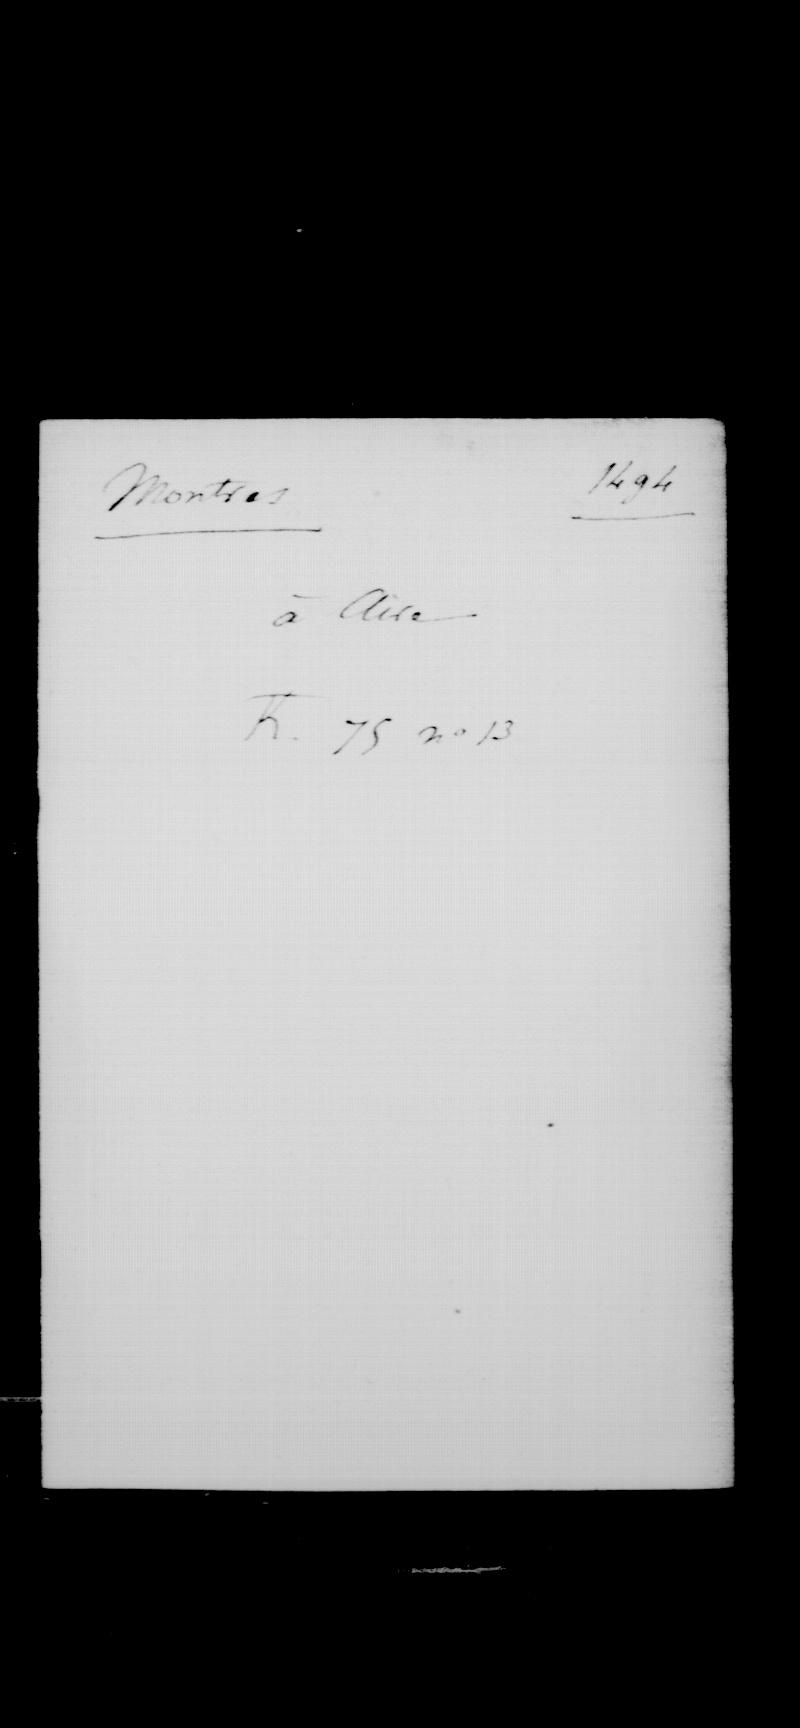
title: Montres
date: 1494
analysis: à Aire
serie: K
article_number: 75
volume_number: n° 13
